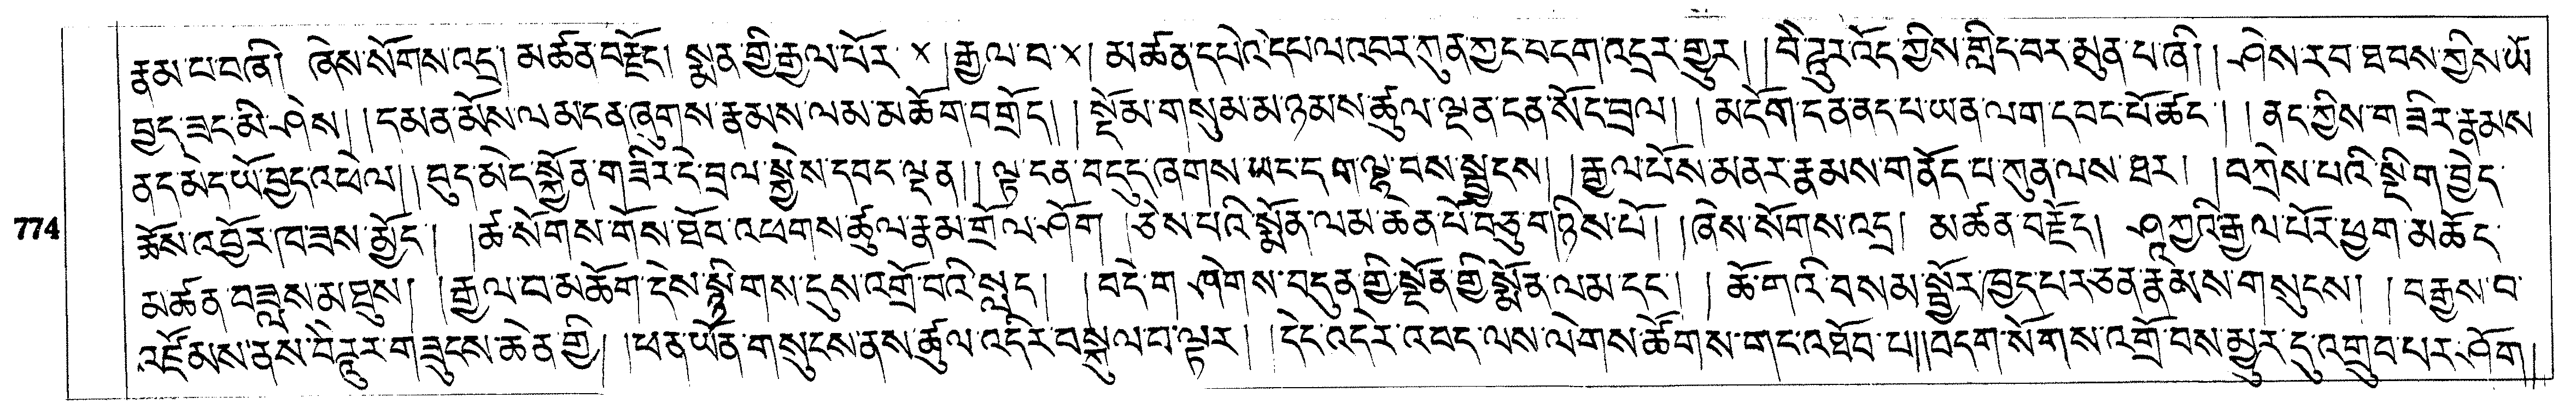རྣམ་པ་བཞི། ཞེས་སོགས་འདྲ། མཚན་བརྗོད། སྨན་གྱི་རྒྱལ་པོར་྾། རྒྱལ་བ་྾། མཚན་དཔེའི་དཔལ་འབར་ཀུན་ཀྱང་བདག་འདྲར་གྱུར། །བཻཌཱུར་འོད་ཀྱིས་གླིང་བར་མུན་པ་ཞི། །ཤེས་རབ་ཐབས་ཀྱིས་ཡོ་
བྱད་ཟང་མི་ཤེས། །དམན་མོས་ལམ་ངན་ཞུགས་རྣམས་ལམ་མཆོག་བགྲོད། །སྡོམ་གསུམ་མ་ཉམས་ཚུལ་ལྡན་ངན་སོང་བྲལ། །མདོག་དན་ནད་པ་ཡན་ལག་དབང་པོ་ཚང་། །ནད་ཀྱིས་གཟིར་རྣམས་
ནད་མེད་ཡོ་བྱད་འཕེལ། །བུད་མེད་སྐྱོན་གཟིར་དེ་བྲལ་སྐྱེས་དབང་ལྡན། །ལྟ་ངན་བདུད་ཞགས་ཡང་དག་ལྷ་བས་སྦྱངས། །རྒྱལ་པོས་མནར་རྣམས་གནོད་པ་ཀུན་ལས་ཐར། །བཀྲེས་པའི་སྡིག་བྱེད་
ཆོས་འབྱོར་ཁ་ཟས་མྱོང་། །ཚ་སོགས་གོས་ཐོབ་འཕགས་ཚུལ་རྣམ་གྲོལ་ཤོག །ཅེས་པའི་སྨོན་ལམ་ཆེན་པོ་བཅུ་གཉིས་པོ། །ཞེས་སོགས་འདྲ། མཚན་བརྗོད། ཤཱཀྱའི་རྒྱལ་པོར་ཕྱག་མཆོད་
མཚན་བཟླས་མཐུས། །རྒྱལ་བ་མཆོག་དེས་སྙིགས་དུས་འགྲོ་བའི་སླད། །བདེ་གཤེགས་བདུན་གྱི་སྔོན་གྱི་སྨོན་ལམ་དང་། །ཆོ་གའི་བསམ་སྦྱོར་ཁྱད་པར་ཅན་རྣམས་གསུངས། །བརྒྱས་པ་
འཛོམས་ནས་བཻཌཱུར་གཟུངས་ཆེན་གྱི། །ཕན་ཡོན་གསུངས་ནས་ཚུལ་འདིར་བསྐུལ་བ་ལྟར། །དེང་འདིར་འབད་ལས་ལེགས་ཚོགས་གང་འཐོབ་པ། །བདག་སོགས་འགྲོ་བས་མྱུར་དུ་འགྲུབ་པར་ཤོག །